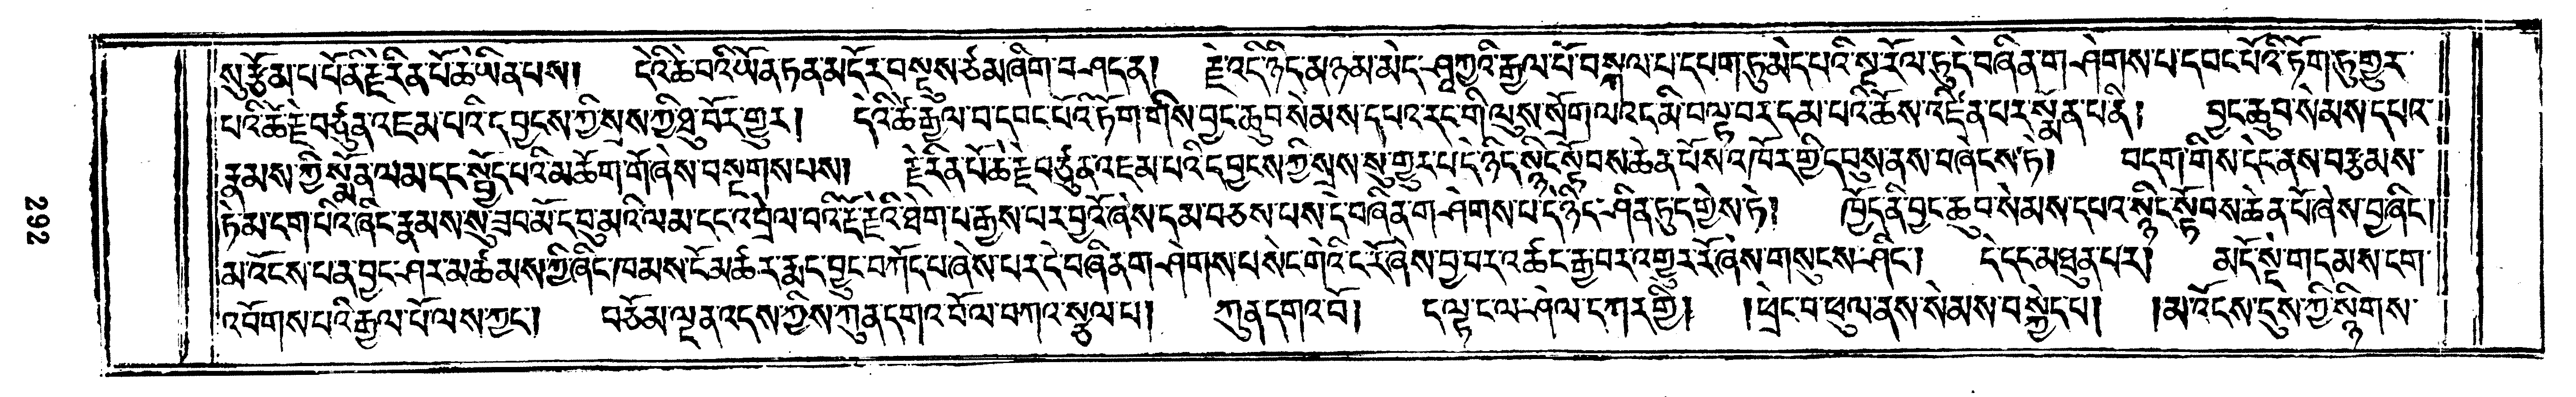སུ་རྩོམ་པ་པོ་ནི་རྗེ་རིན་པོ་ཆེ་ཡིན་པས། དེའི་ཆེ་བའི་ཡོན་ཏན་མདོར་བསྡུས་ཙམ་ཞིག་བཤད་ན། རྗེ་འདི་ཉིད་མཉམ་མེད་ཤཱཀྱའི་རྒྱལ་པོ་བསྐལ་པ་དཔག་ཏུ་མེད་པའི་སྔ་རོལ་ཏུ་དེ་བཞིན་གཤེགས་པ་དབང་པོའི་ཏོག་ཏུ་གྱུར་
པའི་ཚེ་རྗེ་བཙུན་འཇམ་པའི་དབྱངས་ཀྱི་སྲས་ཀྱི་ཐུ་བོར་གྱུར། དེའི་ཚེ་རྒྱལ་བ་དབང་པོའི་ཏོག་གིས་བྱང་ཆུབ་སེམས་དཔའ་རང་གི་ལུས་སྲོག་ལའང་མི་བལྟ་བར་དམ་པའི་ཆོས་འཛིན་པར་སྨོན་པ་ནི། བྱང་ཆུབ་སེམས་དཔའ་
རྣམས་ཀྱི་སྨོན་ལམ་དང་སྤྱོད་པའི་མཆོག་གོ་ཞེས་བསྔགས་པས། རྗེ་རིན་པོ་ཆེ་རྗེ་བཙུན་འཇམ་པའི་དབྱངས་ཀྱི་སྲས་སུ་གྱུར་པ་དེ་ཉིད་སྙིང་སྟོབས་ཆེན་པོས་འཁོར་གྱི་དབུས་ནས་བཞེངས་ཏེ། བདག་གིས་དེང་ནས་བརྩམས་
ཏེ་མ་ངག་པའི་ཞིང་རྣམས་སུ་ཟབ་མོ་དབུ་མའི་ལམ་དང་འབྲེལ་བའི་རྡོ་རྗེའི་ཐེག་པ་རྒྱས་པར་བྱའོ་ཞེས་དམ་བཅས་པས་དེ་བཞིན་གཤེགས་པ་དེ་ཉིད་ཤིན་ཏུ་དགྱེས་ཏེ། ཁྱོད་ནི་བྱང་ཆུབ་སེམས་དཔའ་སྙིང་སྟོབས་ཆེན་པོ་ཞེས་བྱ་ཞིང་།
མ་འོངས་པ་ན་བྱང་ཤར་མཚམས་ཀྱི་ཞིང་ཁམས་ངོ་མཚར་རྨད་བྱུང་བཀོད་པ་ཞེས་པར་དེ་བཞིན་གཤེགས་པ་སེང་གེའི་ང་རོ་ཞེས་བྱ་བར་འཚང་རྒྱ་བར་འགྱུར་རོ་ཞེས་གསུངས་ཤིང་། དེ་དང་མཐུན་པར། མདོ་སྡེ་གདམས་ངག་
འབོགས་པའི་རྒྱལ་པོ་ལས་ཀྱང་། བཅོམ་ལྡན་འདས་ཀྱིས་ཀུན་དགའ་བོ་ལ་བཀའ་སྩལ་པ། ཀུན་དགའ་བོ། ད་ལྟ་ང་ལ་ཤེལ་དཀར་གྱི། །ཕྲེང་བ་ཕུལ་ནས་སེམས་བསྐྱེད་པ། །མ་འོངས་དུས་ཀྱི་སྙིགས་